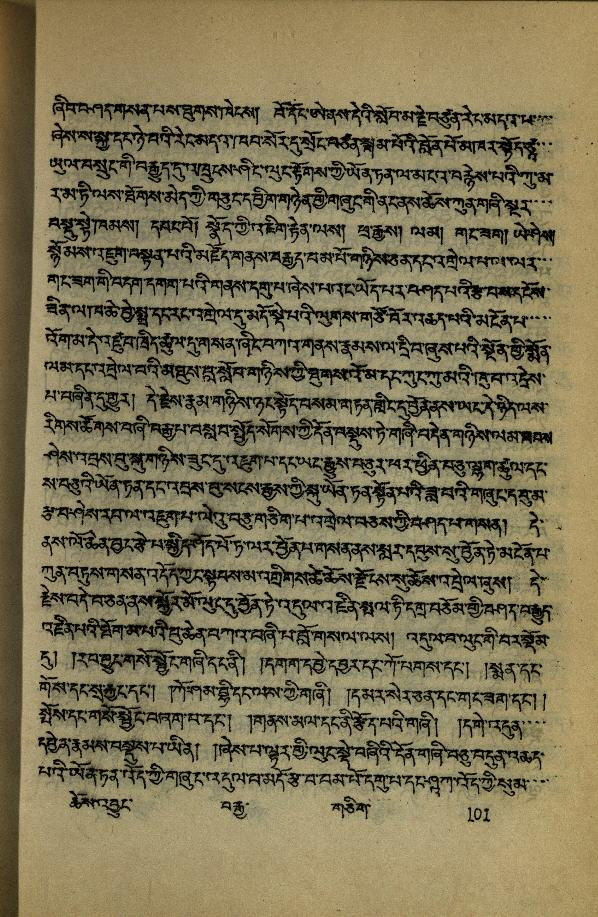ཞིབ་བཤད་གསན་པས་ཐུགས་ཁེངས། བོ་དོང་ཨེ་ནས་དེའི་སློབ་མ་རྗེ་བཙུན་རེང་མདའ་པས་
ཞེས་ས་སྐྱ་དང་ཉེ་བའི་རེང་མདའ་ཁབ་སོར་དུ་སྲོང་བཙན་སྒམ་པོའི་བློན་པོ་མཁར་སྟོད་ཙཱ་
ཡུལ་བསྲུང་གི་བརྒྱུད་དུ་འཁྲུངས་ཤིང་ལུང་རྟོགས་ཀྱི་ཡོན་ཏན་ལ་མངའ་བརྙེས་པའི་ཀུ་མ་
ར་མ་ཏི་ལས་ཐོགས་མེད་ཀྱི་གཅུང་དབྱིག་གཉེན་གྱི་གཞུང་གི་ནང་ནས་ཆོས་ཀུན་གཞི་སྔར་
བསྡུ་སྟེ་ཁམས། དབང་པོ། སྣོད་ཀྱི་འཇིག་རྟེན་ལས། ཕྲ་རྒྱས། ལམ། གང་ཟག། ཡེ་ཤེས།
སྙོམས་འཇུག་བསྟན་པའི་མཛོད་གནས་བརྒྱད་བམ་པོ་གཉིས་ཅན་དང་འགྲེལ་བ་ལ་ལར་
གང་ཟག་གི་བདག་དགག་པའི་གནས་དགུ་པ་ཞེས་པའང་ཡོད་པར་བཤད་པའི་རྩ་བས་དངོས་
ཟིན་ལ་ཁ་ཆེ་བྱེ་སྨྲ་དང་རང་འགྲེལ་དུ་མདོ་སྡེ་པའི་ལུགས་གཙོ་བོར་འཁད་པའི་མངོན་པ་
འོག་མ་དེ་འཛུབ་ཁྲིད་ཚུལ་དུ་གསན་ཞིང་བཀའ་གནས་རྣམས་ལ་དྲི་བ་ཞུས་པའི་སྔོན་གྱི་སྨོན་
ལམ་དང་འབྲེལ་བའི་མཐུས་བླ་སློབ་གཉིས་ཀྱི་ཐུགས་འོ་མ་དང་ཀུང་ཀུ་མའི་ཁུ་བ་འདྲེས་
པ་བཞིན་དུ་གྱུར། དེ་རྗེས་རྣམ་གཉིས་ཉང་སྟོད་བསམ་གཏན་གླིང་དུ་བྱོན་ནས་ཡང་དེ་ཉིད་ལས་
རིགས་ཚོགས་བཞི་བརྒྱ་པ་བསླབ་སྤྱོད་སོགས་ཀྱི་དོན་བསྡུས་ཏེ་གཞི་བདེན་གཉིས་ལམ་ཐབས་
ཤེས་འབྲས་བུ་སྐུ་གཉིས་ཟུང་དུ་འཇུག་པ་དང་ཡང་རྒྱུས་བཅུར་ཕར་ཕྱིན་བཅུ་ལྷག་ཙུལ་དང་
ས་བཅུའི་ཡོན་ཏན་དང་འབྲས་བུ་དངས་རྒྱས་ཀྱི་སྐུ་ཡོན་ཏན་སྟོན་པའི་ཟླ་བའི་གཞུང་དབུ་མ་
རྩ་བས་ཤེས་རབ་ལ་འཇུག་པ་ལེའུ་བཅུ་གཅིག་པ་འགྲེལ་བཅས་ཀྱི་བཤད་པ་གསན། དེ་
ནས་ལོ་ཆེན་བྱང་རྩེ་བ་སྐྱིད་ཤོད་ལོ་ཏ་ལར་བྱོན་པ་གསན་ནས་ལར་དབུས་སུ་བྱོན་ཏེ་མངོན་པ་
ཀུན་བཏུས་གསན་འདོད་ཀྱང་སྟབས་མ་འགྲིགས་ཚེ་ཆོས་རྫོངས་སུ་ཆོས་འབྲེལ་ཞུས། དེ་
རྗེས་བདེ་བ་ཅན་ནས་སྐྱོར་མོ་ལུང་དུ་བྱོན་ཏེ་འདུལ་འཛིན་སྤལ་ཏི་དགྲ་བཅོམ་གྱི་བཤད་བརྒྱུད་
འཛིན་པའི་ཐོག་མ་བའི་བུ་ཆེན་བཀའ་བཞི་པ་བློ་གསལ་ལས། འདུལ་བ་ལུང་གི་བར་སྡོམ་
དུ། །རབ་བྱུང་གསོ་སྦྱོང་གཞི་དང་ནི། །དགག་དབྱེ་དབྱར་དང་ཀོ་པགས་དང་། །སྨན་དང་
གོས་དང་སྲ་རྐྱང་དང་། །ཀོ་ཤམ་བྷི་དང་ལས་ཀྱི་གཞི། །དམར་སེར་ཅན་དང་གང་ཟག་དང་། །
སྤོས་དང་གསོ་སྦྱོང་བཞག་པ་དང་། །གནས་མལ་དང་ནི་རྩོད་པའི་གཞི། །དགེ་འདུན་
དབྱེན་རྣམས་འདུས་པ་ཡིན། །ཞེས་པ་ལྟར་གྱི་ལུང་སྡེ་བཞིའི་དོང་ཞི་བཅུ་བདུན་འཆད་
པའི་ཡོན་ཏན་འོད་ཀྱི་གཞུང་འདུལ་བ་མདོ་རྩ་བ་བམ་པོ་དགུ་པ་དང་ཤཱཀ་འོད་ཀྱི་སུམ་